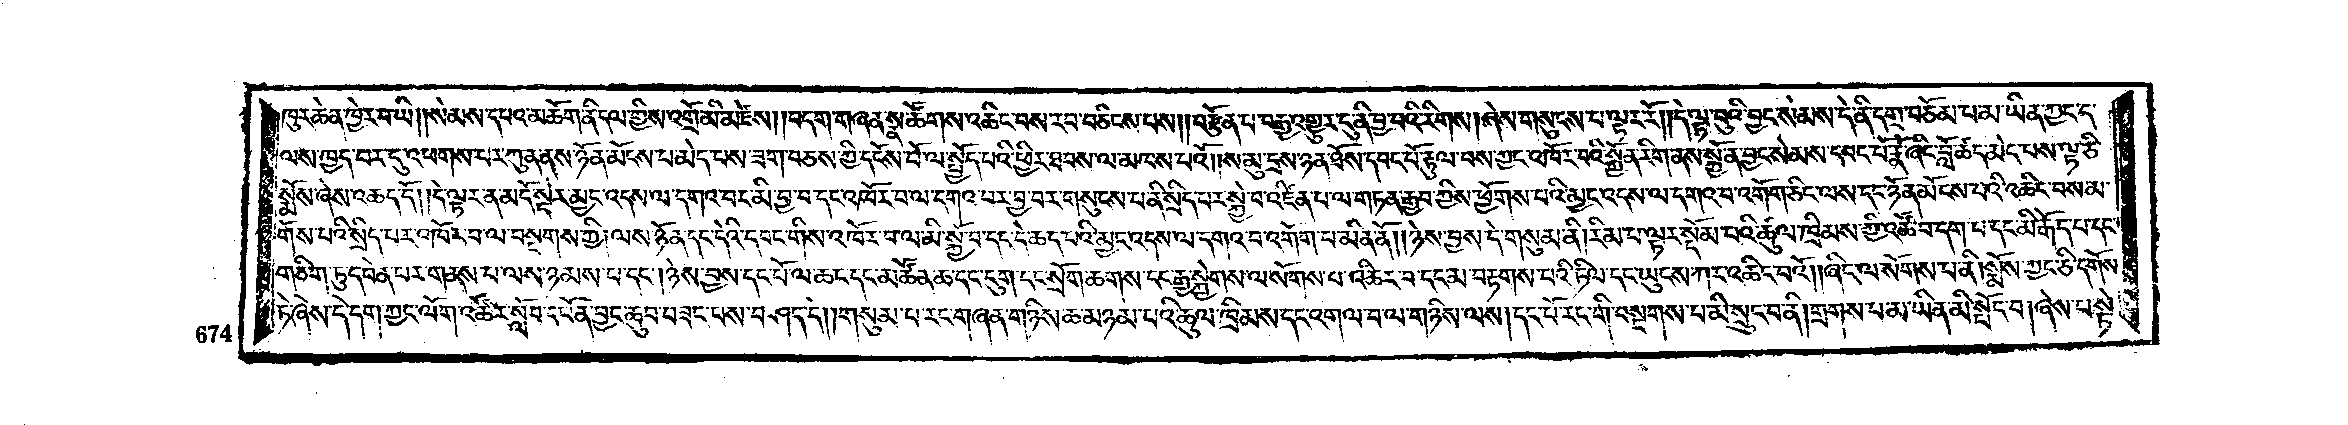ཁུར་ཆེན་ཁྱེར་བ་ཡི། །སེམས་དཔའ་མཆོག་ནི་དལ་གྱིས་འགྲོ་མི་མཛེས། །བདག་གཞན་སྣ་ཚོགས་འཆིང་བས་རབ་བཅིངས་པས། །བརྩོན་པ་བརྒྱ་འགྱུར་དུ་ནི་བྱ་བའི་རིགས། ཞེས་གསུངས་པ་ལྟར་རོ། །དེ་ལྟ་བུའི་བྱང་སེམས་དེ་ནི་དགྲ་བཅོམ་པ་མ་ཡིན་ཀྱང་དེ་
ལས་ཁྱད་པར་དུ་འཕགས་པར་ཀུན་ནས་ཉོན་མོངས་པ་མེད་པས་ཟག་བཅས་ཀྱི་དངོས་པོ་ལ་སྤྱོད་པའི་ཕྱིར་ཐབས་ལ་མཁས་པའོ། །ས་མུ་དྲས་ཉན་ཐོས་དབང་པོ་རྟུལ་བས་ཀྱང་འཁོར་བའི་སྐྱོན་རིག་ནས་སྐྱོ་ན་བྱང་སེམས་དབང་པོ་རྣོ་ཞིང་བློ་ཚད་མེད་པས་ལྟ་ཅི་
སྨོས་ཞེས་འཆད་དོ། །དེ་ལྟར་ན་མདོ་སྡེར་མྱང་འདས་ལ་དགའ་བར་མི་བྱ་བ་དང་འཁོར་བ་ལ་དགའ་བར་བྱ་བར་གསུངས་པ་ནི་སྲིད་པར་སྐྱེ་བ་འཛིན་པ་ལ་གཏན་རྒྱབ་ཀྱིས་ཕྱོགས་པའི་མྱང་འདས་ལ་དགའ་བ་འགོག་ཅིང་ལས་དང་ཉོན་མོངས་པའི་འཆིང་བས་མ་
གོས་པའི་སྲིད་པར་འཁོར་བ་ལ་བསྔགས་ཀྱི། ལས་ཉོན་དང་དེའི་དབང་གིས་འཁོར་བ་ལ་མི་སྐྱོ་བ་དང་དེ་ཆད་པའི་མྱང་འདས་ལ་དགའ་བ་འགོག་པ་མིན་ནོ། །ཉེས་བྱས་དེ་གསུམ་ནི། རིམ་པ་ལྟར་སྡོམ་པའི་ཚུལ་ཁྲིམས་ཀྱི་འཚོ་བ་དག་པ་དང་མི་རྒོད་པ་དང་
གཅིག་ཏུ་དབེན་པར་གནས་པ་ལས་ཉམས་པ་དང་། ཉེས་བྱས་དང་པོ་ལ་ཆང་དང་མཚོན་ཆ་དང་སྲོག་ཆགས་དང་རྒྱ་སྐྱེགས་ལ་སོགས་པ་འཆིར་བ་དང་མ་བརྟགས་པའི་ཏིལ་དང་ཡུངས་ཀར་འཆིང་བའོ། །ཞིང་ལ་སོགས་པ་ནི། སྨོས་ཀྱང་ཅི་དགོས་
ཏེ་ཞེས་དེ་དག་ཀྱང་ལོག་འཚོར་སློབ་དཔོན་བྱང་ཆུབ་བཟང་པས་བཤད་དེ། །གསུམ་པ་རང་གཞན་གཉིས་ཆ་མཉམ་པའི་ཚུལ་ཁྲིམས་དང་འགལ་བ་ལ་གཉིས་ལས། དང་པོ་རང་གི་བསྔགས་པ་མི་སྲུང་བ་ནི། གྲགས་པ་མ་ཡིན་མི་སྤོང་བ། ཞེས་པ་སྟེ་